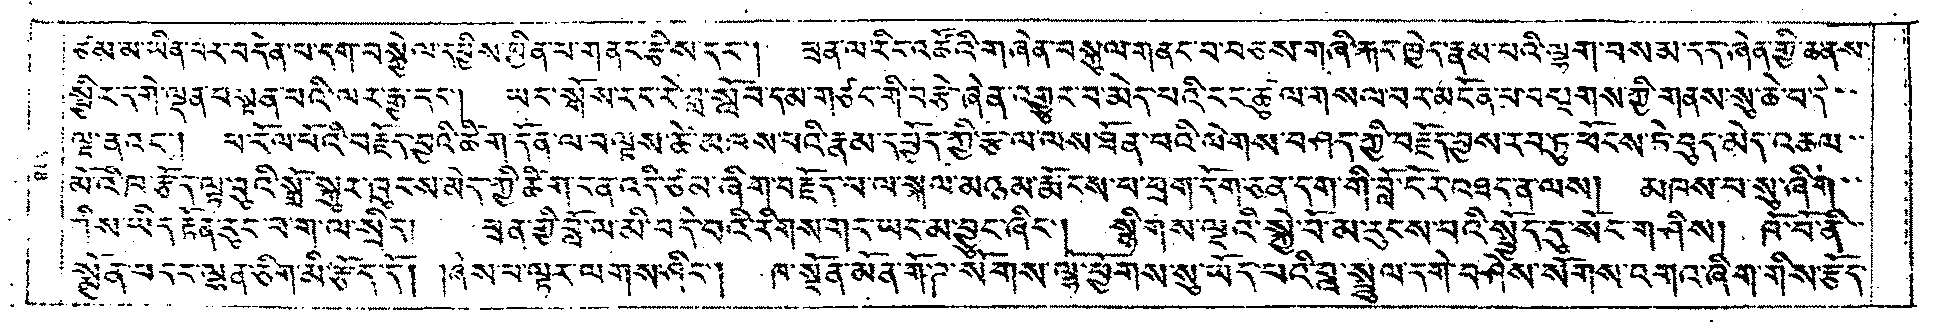ཙམ་མ་ཡིན་པར་བདེན་པ་དག་བསྐྱེལ་དབྱིས་ཕྱིན་པ་གནང་རྩིས་དང་། ཕྲན་ལ་རིང་འཚེའི་གཞིན་བསྐུལ་གནང་བ་བཅས་གཞི་རྐང་ཁྱེད་རྣམ་པའི་ལྷག་བསམ་དད་ཞེན་གྱི་ཆ་ནས་
སྤྱིར་དགེ་ལྡན་བསྟན་པའི་ལར་རྒྱ་དང་། ཡང་སྒོས་རང་རེ་བླ་སློབ་དམ་གཙང་གི་བརྩེ་ཞེན་འགྱུར་བ་མེད་པའི་ངང་ཚུལ་གསལ་བར་མངོན་པ་བསྔགས་ཀྱི་གནས་སུ་ཆེ་བ་དེ་
ལྟ་ནའང་། ཕ་རོལ་པོའི་བརྗོད་བྱའི་ཚིག་དོན་ལ་བལྟས་ཚེ་མཁས་པའི་རྣམ་དཔྱོད་ཀྱི་རྩལ་ལས་ཐོན་པའི་ལེགས་བཤད་ཀྱི་བརྗོད་བྱས་རབ་ཏུ་ཕོངས་ཏེ་བུད་མེད་འཆལ་
མོའི་ཁ་རྩོད་ལྟ་བུའི་སྒྲོ་སྐུར་ཁུངས་མེད་ཀྱི་ཚིག་ངན་འདི་ཙམ་ཞིག་བརྗོད་པ་ལ་སྐལ་མཉམ་རྨོངས་པ་ཕྲག་དོག་ཅན་དག་གི་བློ་དོར་?་འཐད་ན་ལས། མཁས་པ་སུ་ཞིག་
གིས་ཡིད་རྟོན་རུང་བ་ག་ལ་སྲིད། ཕྲན་གྱི་བློ་ལ་མི་བདེ་བའི་རིགས་གང་ཡང་མ་བྱུང་ཞིང་། སྙིགས་ལྔའི་སྐྱེ་བོ་མ་རུངས་པའི་སྤྱོད་དུ་སོང་གཤིས། ཁོ་བོ་ནི་
སྨྱོན་པ་དང་ལྷན་ཅིག་མི་རྩོད་དོ། །ཞེས་པ་ལྟར་ལགས་ཤིང་། ཁ་སྔོན་མོན་གོ་ཌ་སོགས་ལྷོ་ཕྱོགས་སུ་ཡོད་པའི་བླ་སྤྲུལ་དགེ་བཤེས་སོགས་འགའ་ཞིག་གིས་རྩོད་